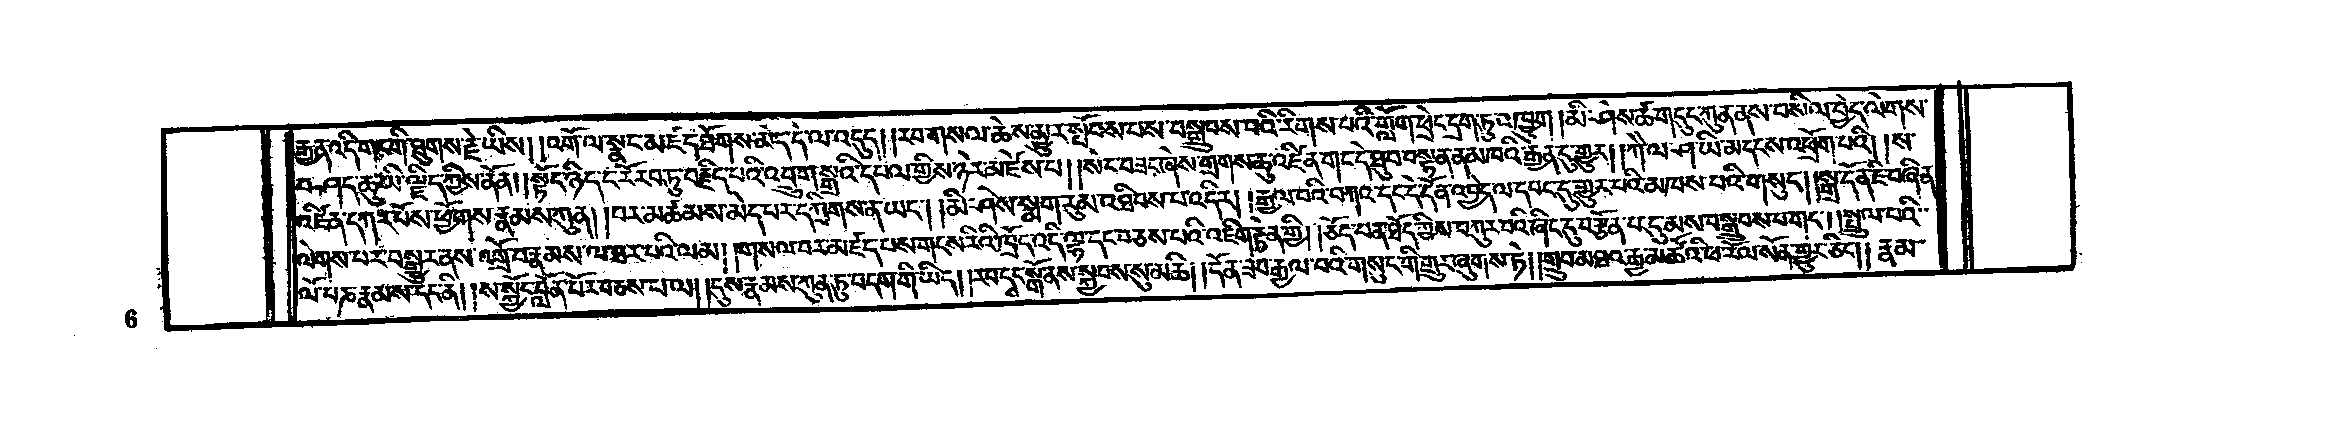རྒྱན་འདི་གང་གི་ཐུགས་རྗེ་ཡིས། །འགྲོ་ལ་སྣང་མཛད་ཐོགས་མེད་དེ་ལ་འདུད། །རབ་གསལ་ཆེས་མྱུར་སྤོབས་པས་བསྒྲུབས་པའི་རིགས་པའི་གློག་ཕྲེང་དྲག་ཏུ་འཁྱུག །མི་ཤེས་ཚ་གདུང་ཀུན་ནས་བསིལ་བྱེད་ལེགས་
བཤད་ཆུ་ཡི་ལྗིད་ཀྱིས་ནོན། །སྟོང་ཉིད་ང་རོ་རབ་ཏུ་བརྗིད་པའི་འབྲུག་སྒྲའི་དཔལ་གྱིས་ཉེར་མཛེས་པ། །སེང་བཟང་ཞེས་གྲགས་ཆུ་འཛིན་གང་དེ་ཐུབ་བསྟན་ནམ་མཁའི་རྒྱན་དུ་གྱུར། །ཀཻ་ལ་ཤ་ཡི་མདངས་འཕྲོག་པའི། །ས་
འཛིན་དཀར་པོས་ཕྱོགས་རྣམས་ཀུན། །བར་མཚམས་མེད་པར་དཀྲིགས་ན་ཡང་། །མི་ཤེས་སྨག་རུམ་འཐིབས་པ་འདིར། །རྒྱལ་བའི་བཀའ་དང་དེ་དོན་འབྱེད་ལ་དབང་དུ་གྱུར་པའི་མཁས་པའི་གསུང་། །སྒྲ་དོན་ཇི་བཞིན་
ལེགས་པར་བསྒྱུར་ནས་འགྲོ་བ་རྣམས་ལ་ཐར་པའི་ལམ། །གསལ་བར་མཛད་པས་གངས་རིའི་ཁྲོད་འདི་ལྷ་དང་བཅས་པའི་འཇིག་རྟེན་གྱི། །ཅོད་པན་ཐོད་ཀྱིས་བཀུར་བའི་ཞིང་དུ་བརྩོན་པ་དུ་མས་བསྒྲུབས་པ་གང་། །སྤྲུལ་བའི་
ལོ་པཎ་རྣམས་དང་ནི། །ས་སྐྱོང་བློན་པོར་བཅས་པ་ལ། །དུས་རྣམས་ཀུན་ཏུ་བདག་གི་ཡིད། །རབ་དྭང་སྒོ་ནས་སྐྱབས་སུ་མཆི། །དོན་ཟབ་རྒྱལ་བའི་གསུང་གི་གྲུར་ཞུགས་ཏེ། །གྲུབ་མཐའ་རྒྱ་མཚོའི་ཕ་རོལ་སོན་གྱུར་ཅིག །རྣམ་